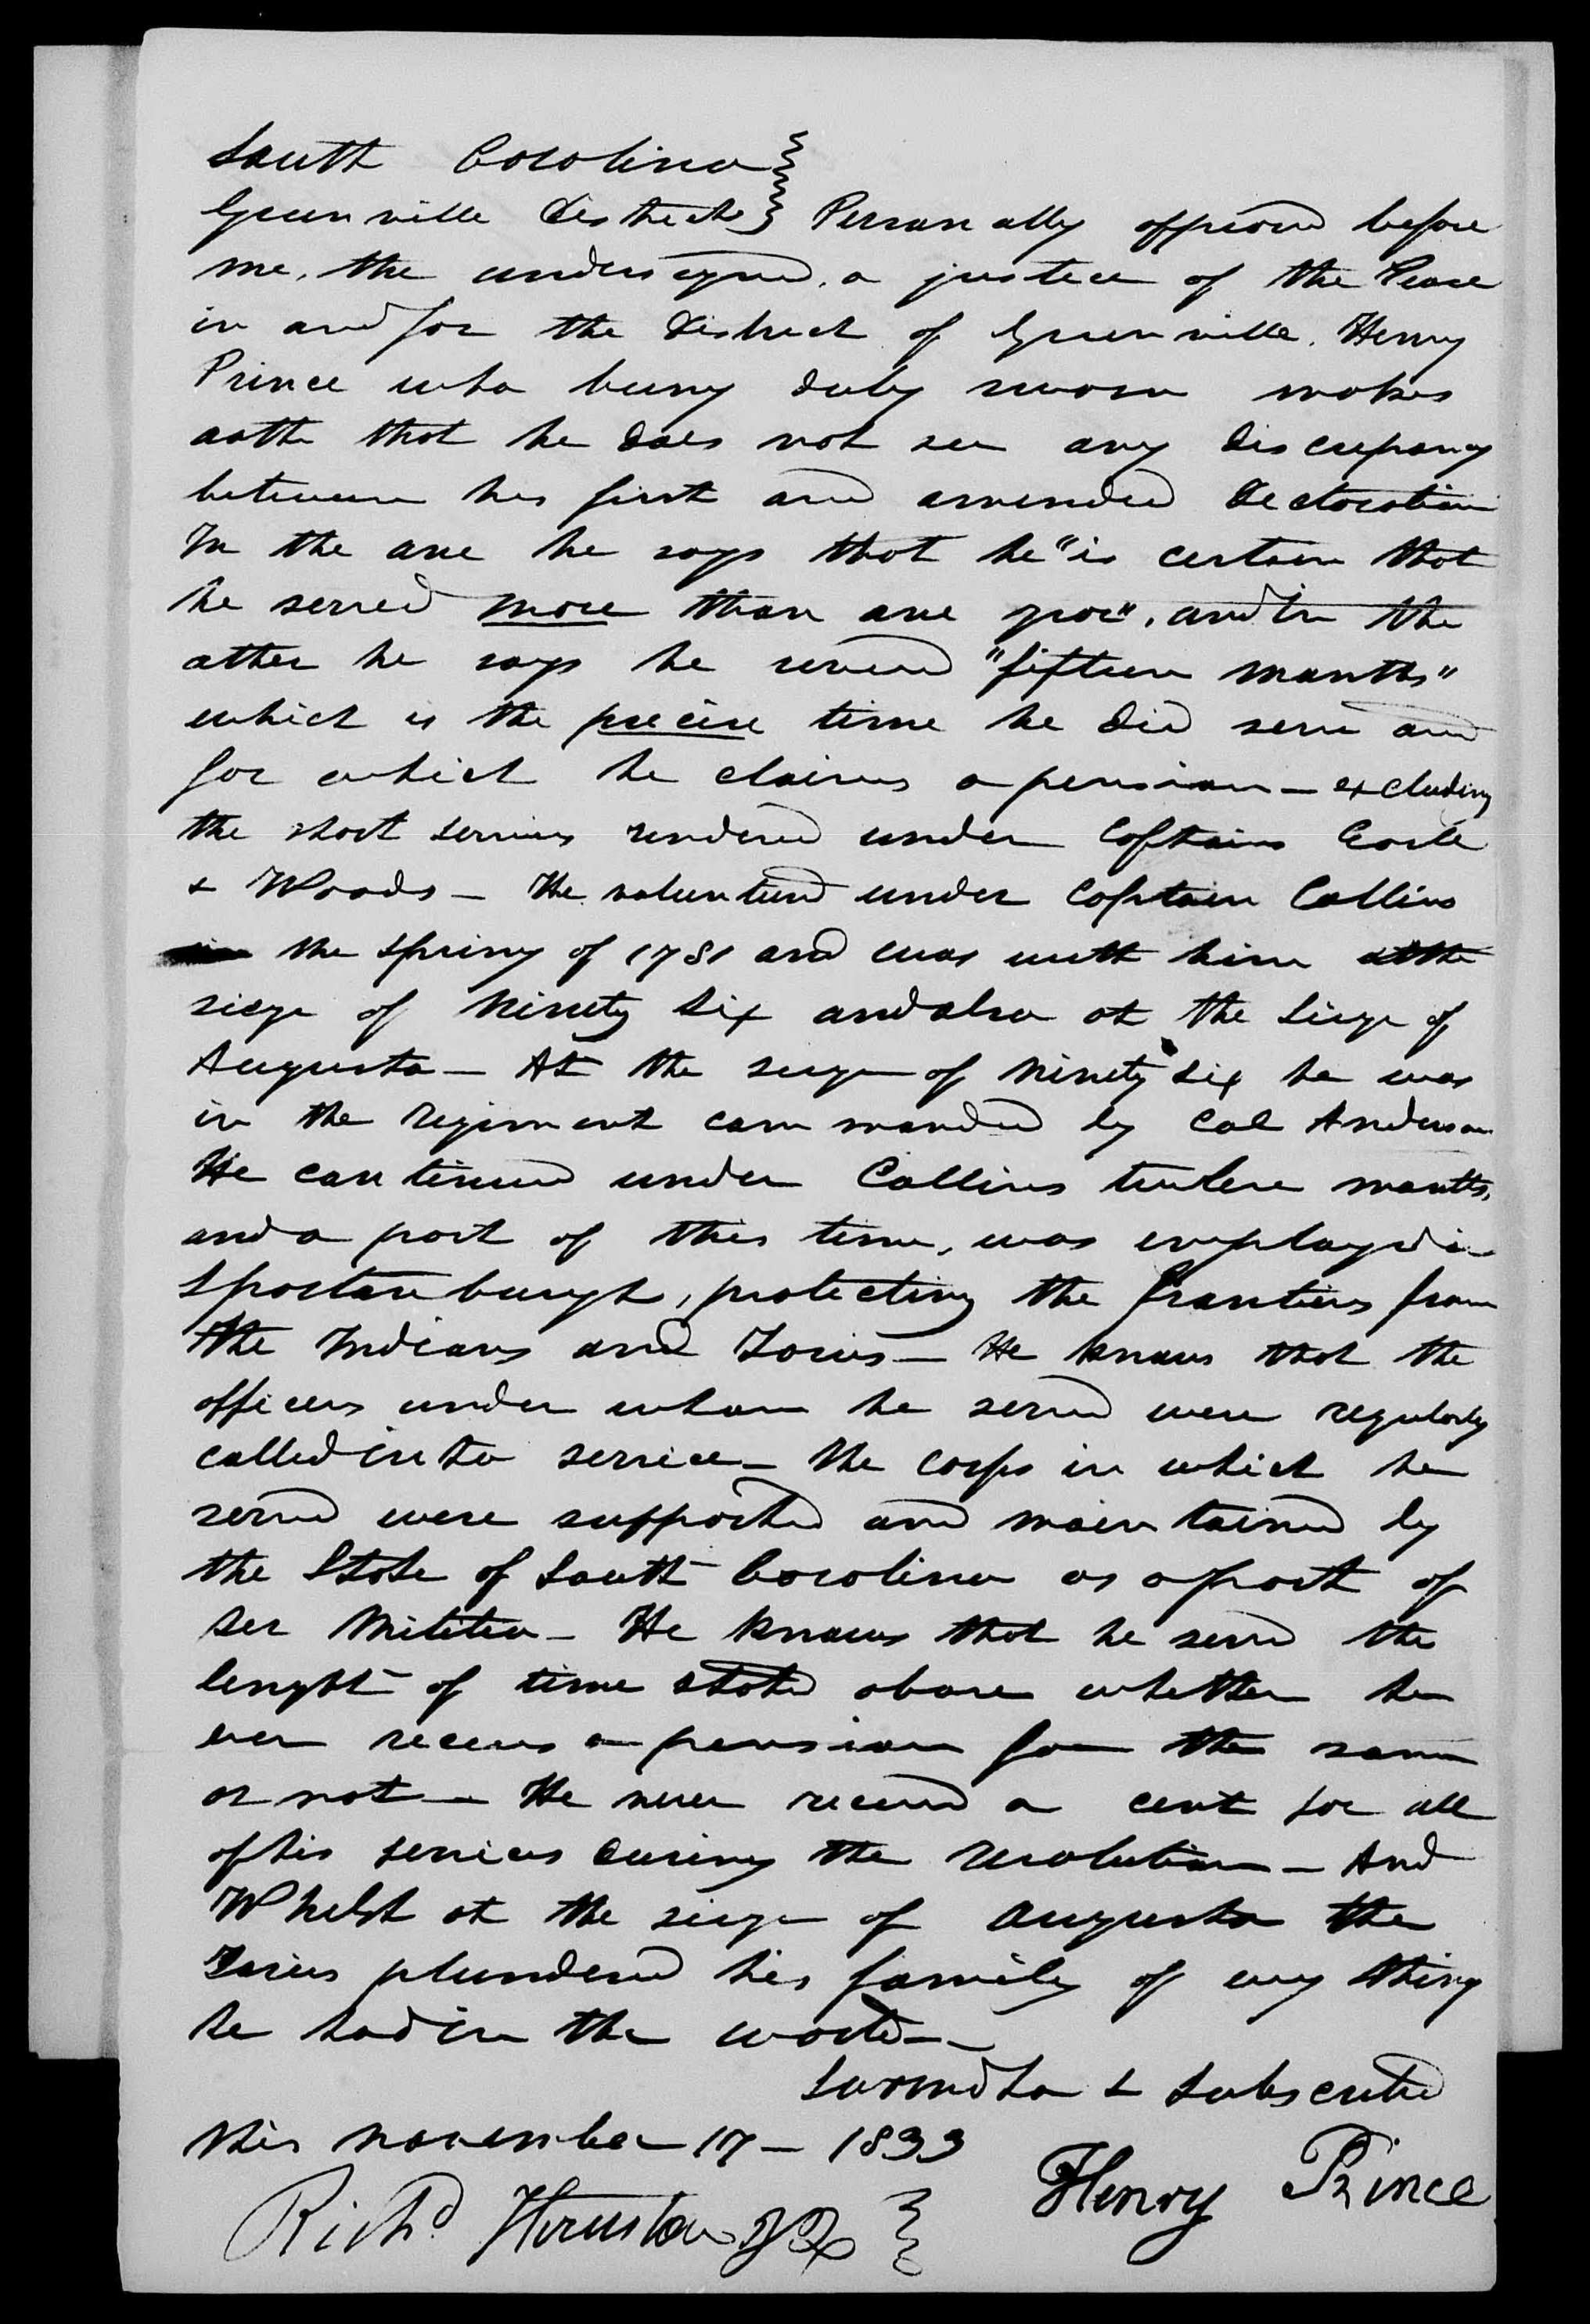[ South Carolina Greenville District ]  Personally appeared before me  the undersigned a justice of the Peace in and for the  District of Greenville. Henry Prince who being duly sworn  makes oath that he does not see any discrepancy between  his first and amended declaration. In the one he say that he  " is certain that he served more ( underscored ) that  one year " , and in the other he says  he  served " fifteen months "  which is the precise  ( underscored ) time he did serve and for which he claims a pension - excluding  the short services rendered under Captain Earle & Woods - He volunteered under Captain Collins in the spring of 1781 and was with him at the siege of Ninety Six and also at the Siege of Augusta- At the Siege of Ninety Six he was in  the Regiment commanded by Col. Anderson . Hw continued under Collins twelve months, and a part of this time was employed in Spartansburg , protecting  the frontiers from the Indians  and Tories - He knows that the officers  under whom he served were regularly  called into service -  the corps in which he served were supported and maintained by the State of  South Carolina as a part of her Militia - He knows that  he served the length of time stated above whether he ever receives a pension  for the same or not - He never received a cent for all of his services during the revolution - And whilst at the  Siege of Augusta the Tories plundered his family of everything he had in the world. Sworn to  & subscribed this November 17  - 1833  Henry Prince ( signed ) Richd. Thruston  ( signed ) JP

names: Richd Thruston; [BLANK] Clock; [BLANK] Anderson; Henry Prince; [BLANK] Woods; [BLANK] Collins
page: 20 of 23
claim: survivor's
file: S. 18,168, for Henry Prince, South Carolina